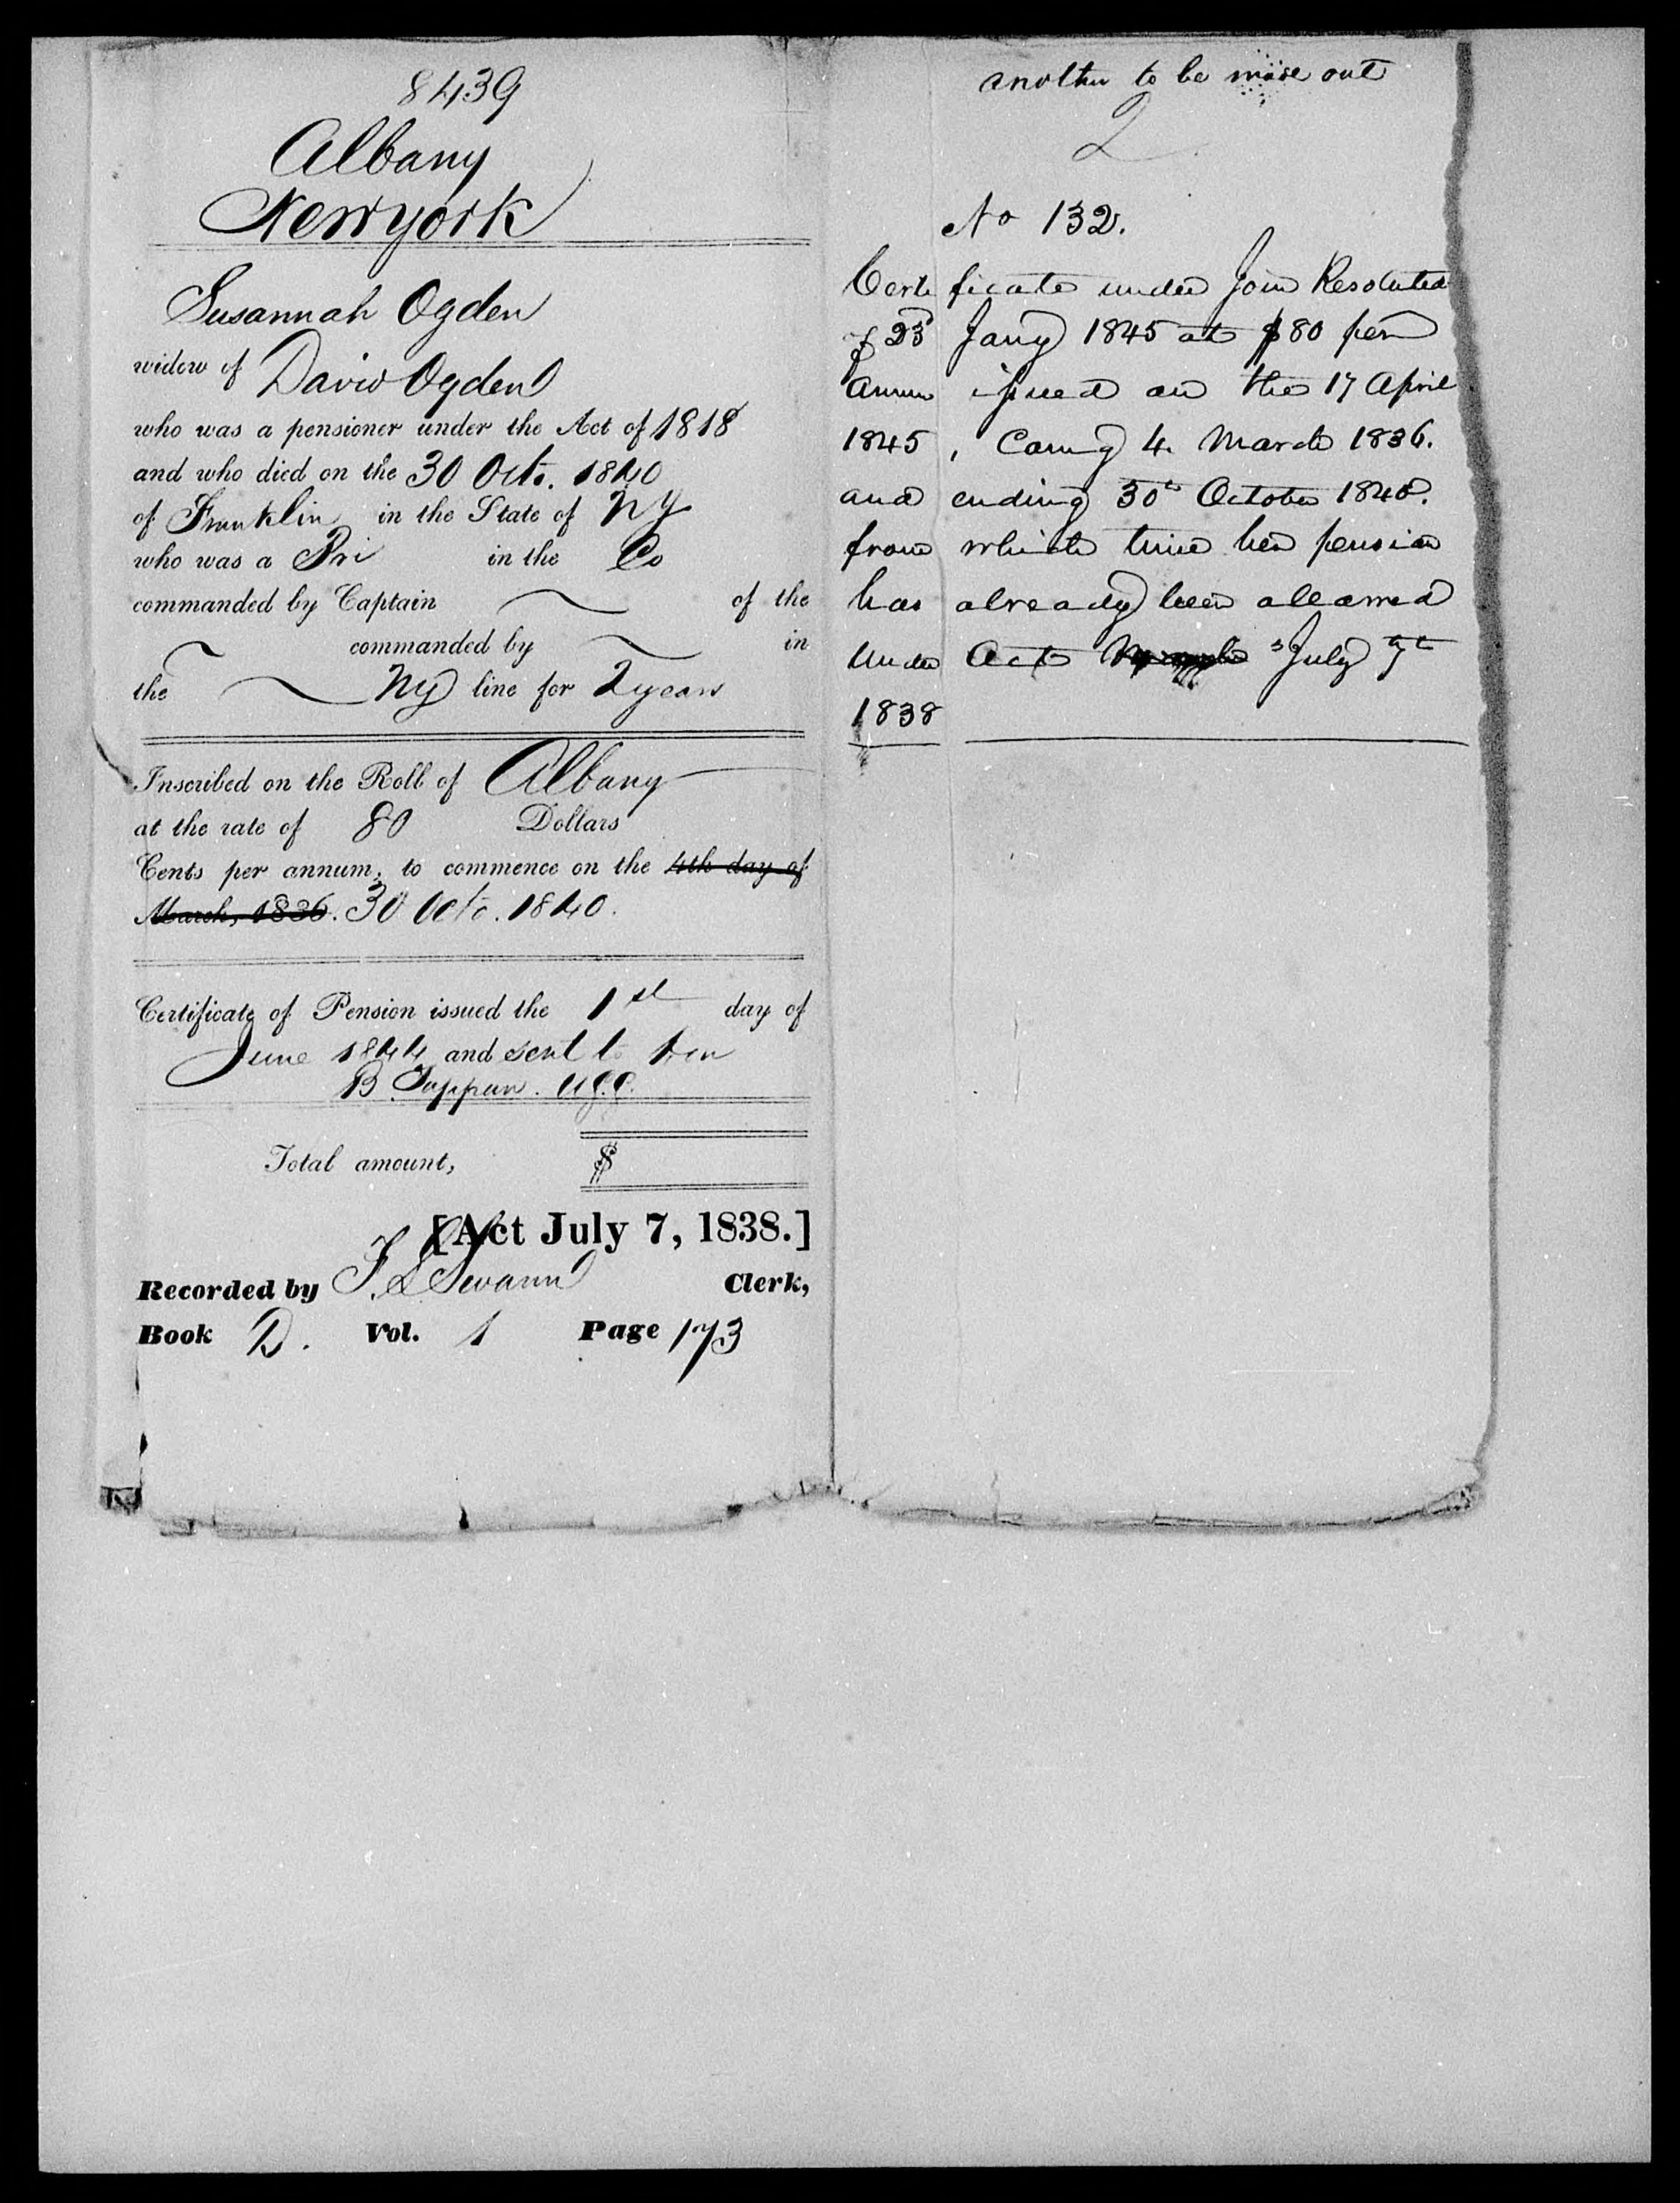[two-column page]

[left side]
8439
Albany
New York

Susannah Ogden
widow of David Ogden
who was a pensioner under the Act of 1818
and who died on the 30 Oct. 1840
of Franklin in the State of NY
who was a Pri in the Co
commanded by
Captain [blank] of the 
[blank] commanded by [blank] in
the [blank] NY line for 2 years

Inscribed on the Roll of Albany
at the rate of 80 Dollars [blank] 
Cents per annum, to commence on the [crossed out: 4th day of
March, 1836.] 30 Octo. 1840.

Certificate of Pension issued the 1st day of
June 1844 and sent to Hon
B Tappan U. S. S.

Total amount, $ [blank] 

[Act July 7, 1838.]

Recorded by F. S. Swann Clerk,
Book D. Vol. 1 Page 173

[right side]
another to be made out
Q

No 132.
Certificate under Joint Resoluted
of 23d Jany 1845 at $80 per
Annum issued on the 17 April
1845, [illegible] 4 March 1836.
and ending 30th October 1848,
from which time her pension
has already been aleamed
under Act [crossed out: November] July 7th
1838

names: F L Swann; B Tappan; David Ogden; Susannah Ogden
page: 26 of 40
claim: widow's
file: W. 24364, for David Ogden, New York